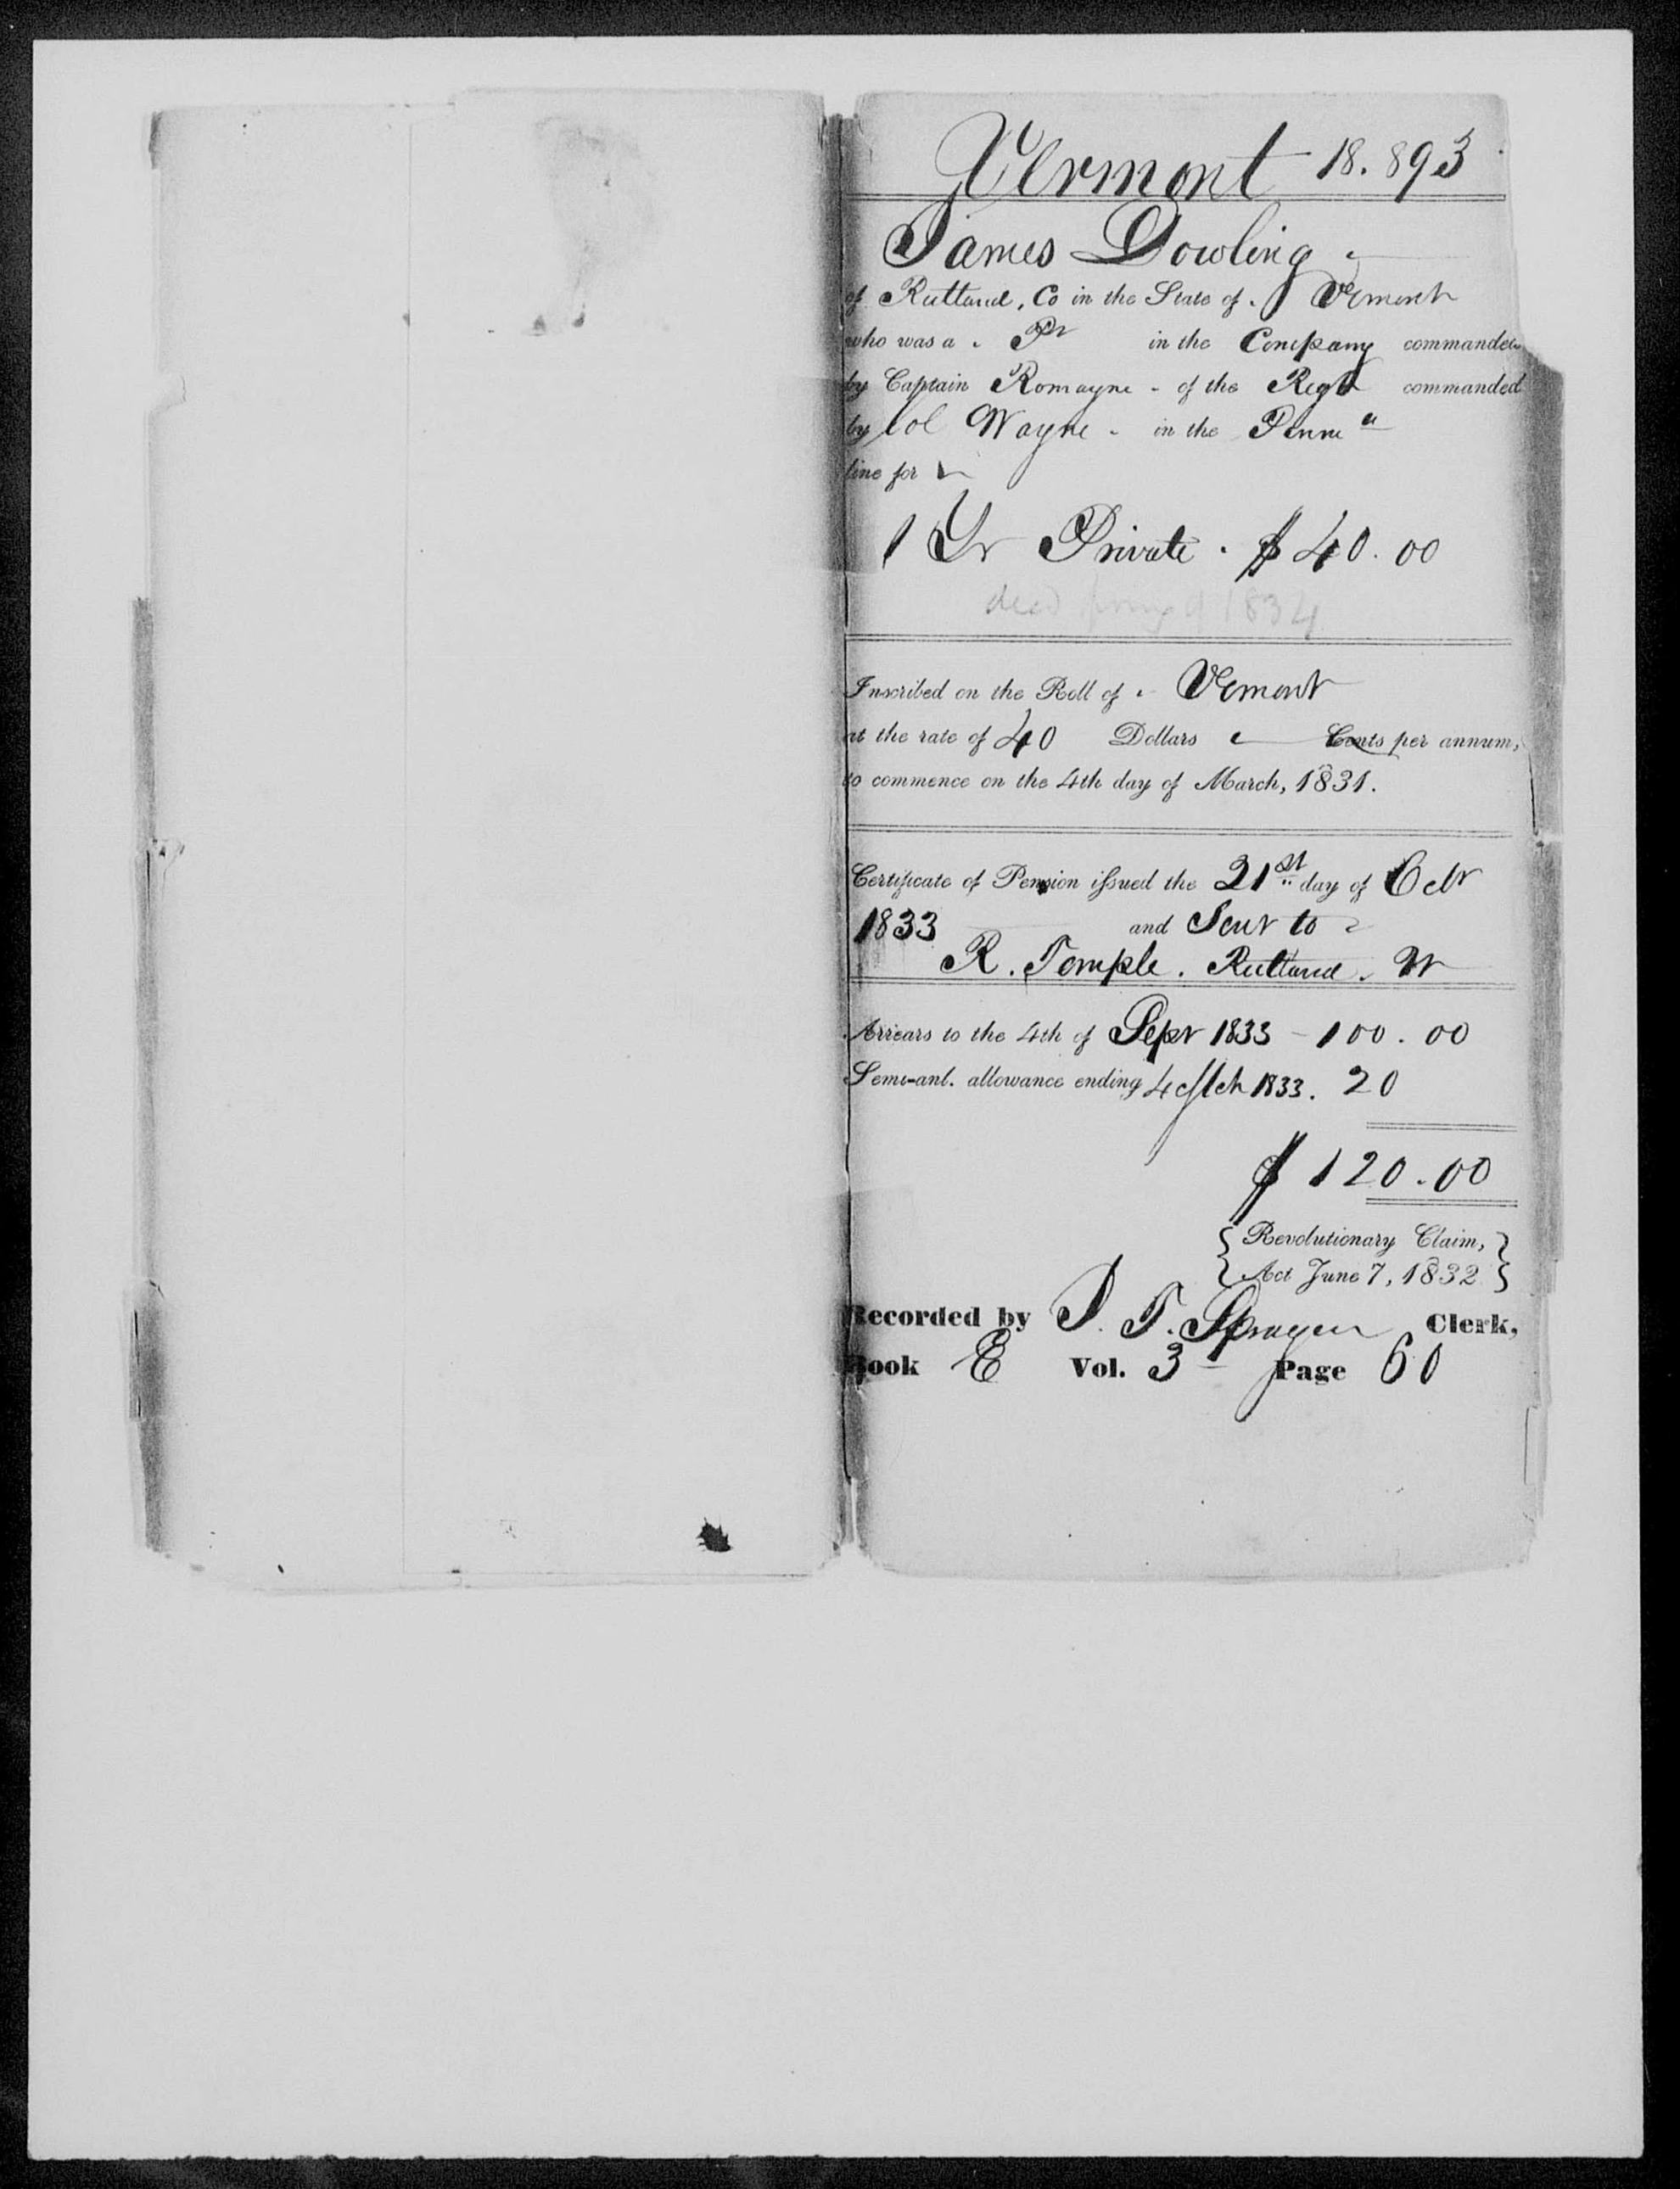Vermont 18.893
-----------------------------------
James Dowling of Rutland Co in the State of Vermont who was a pr in the company commanded by Captain Romayne of the Regt commanded by Col Wayne in the Penna line for 1 yr. private $40.00
decd spring of 1834

Inscribed on the Roll of Vermont at the rate of 40 Dollars -- Cents per annum, to commence on the 4th day of March, 1831.

Certificate of Pension issued the 21st day of Octr. 1833 and sent to R. Temple, Rutland, Vt

Arrears to the 4th of Sept 1833 100.00
Semi-anl. allowance ending 4 Mch 1833 20
$120.00 [double underlined]

{Revolutionary Claim,} 
{Act June 7, 1832       }

Recorded by J.T. Sprague Clerk,
Book E Vol. 3 Page 60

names: Wayne, J T Sprague, Romayne, James Dowling, R Temple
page: 2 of 17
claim: survivor's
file: S. 10575, James Dowling, Penn.